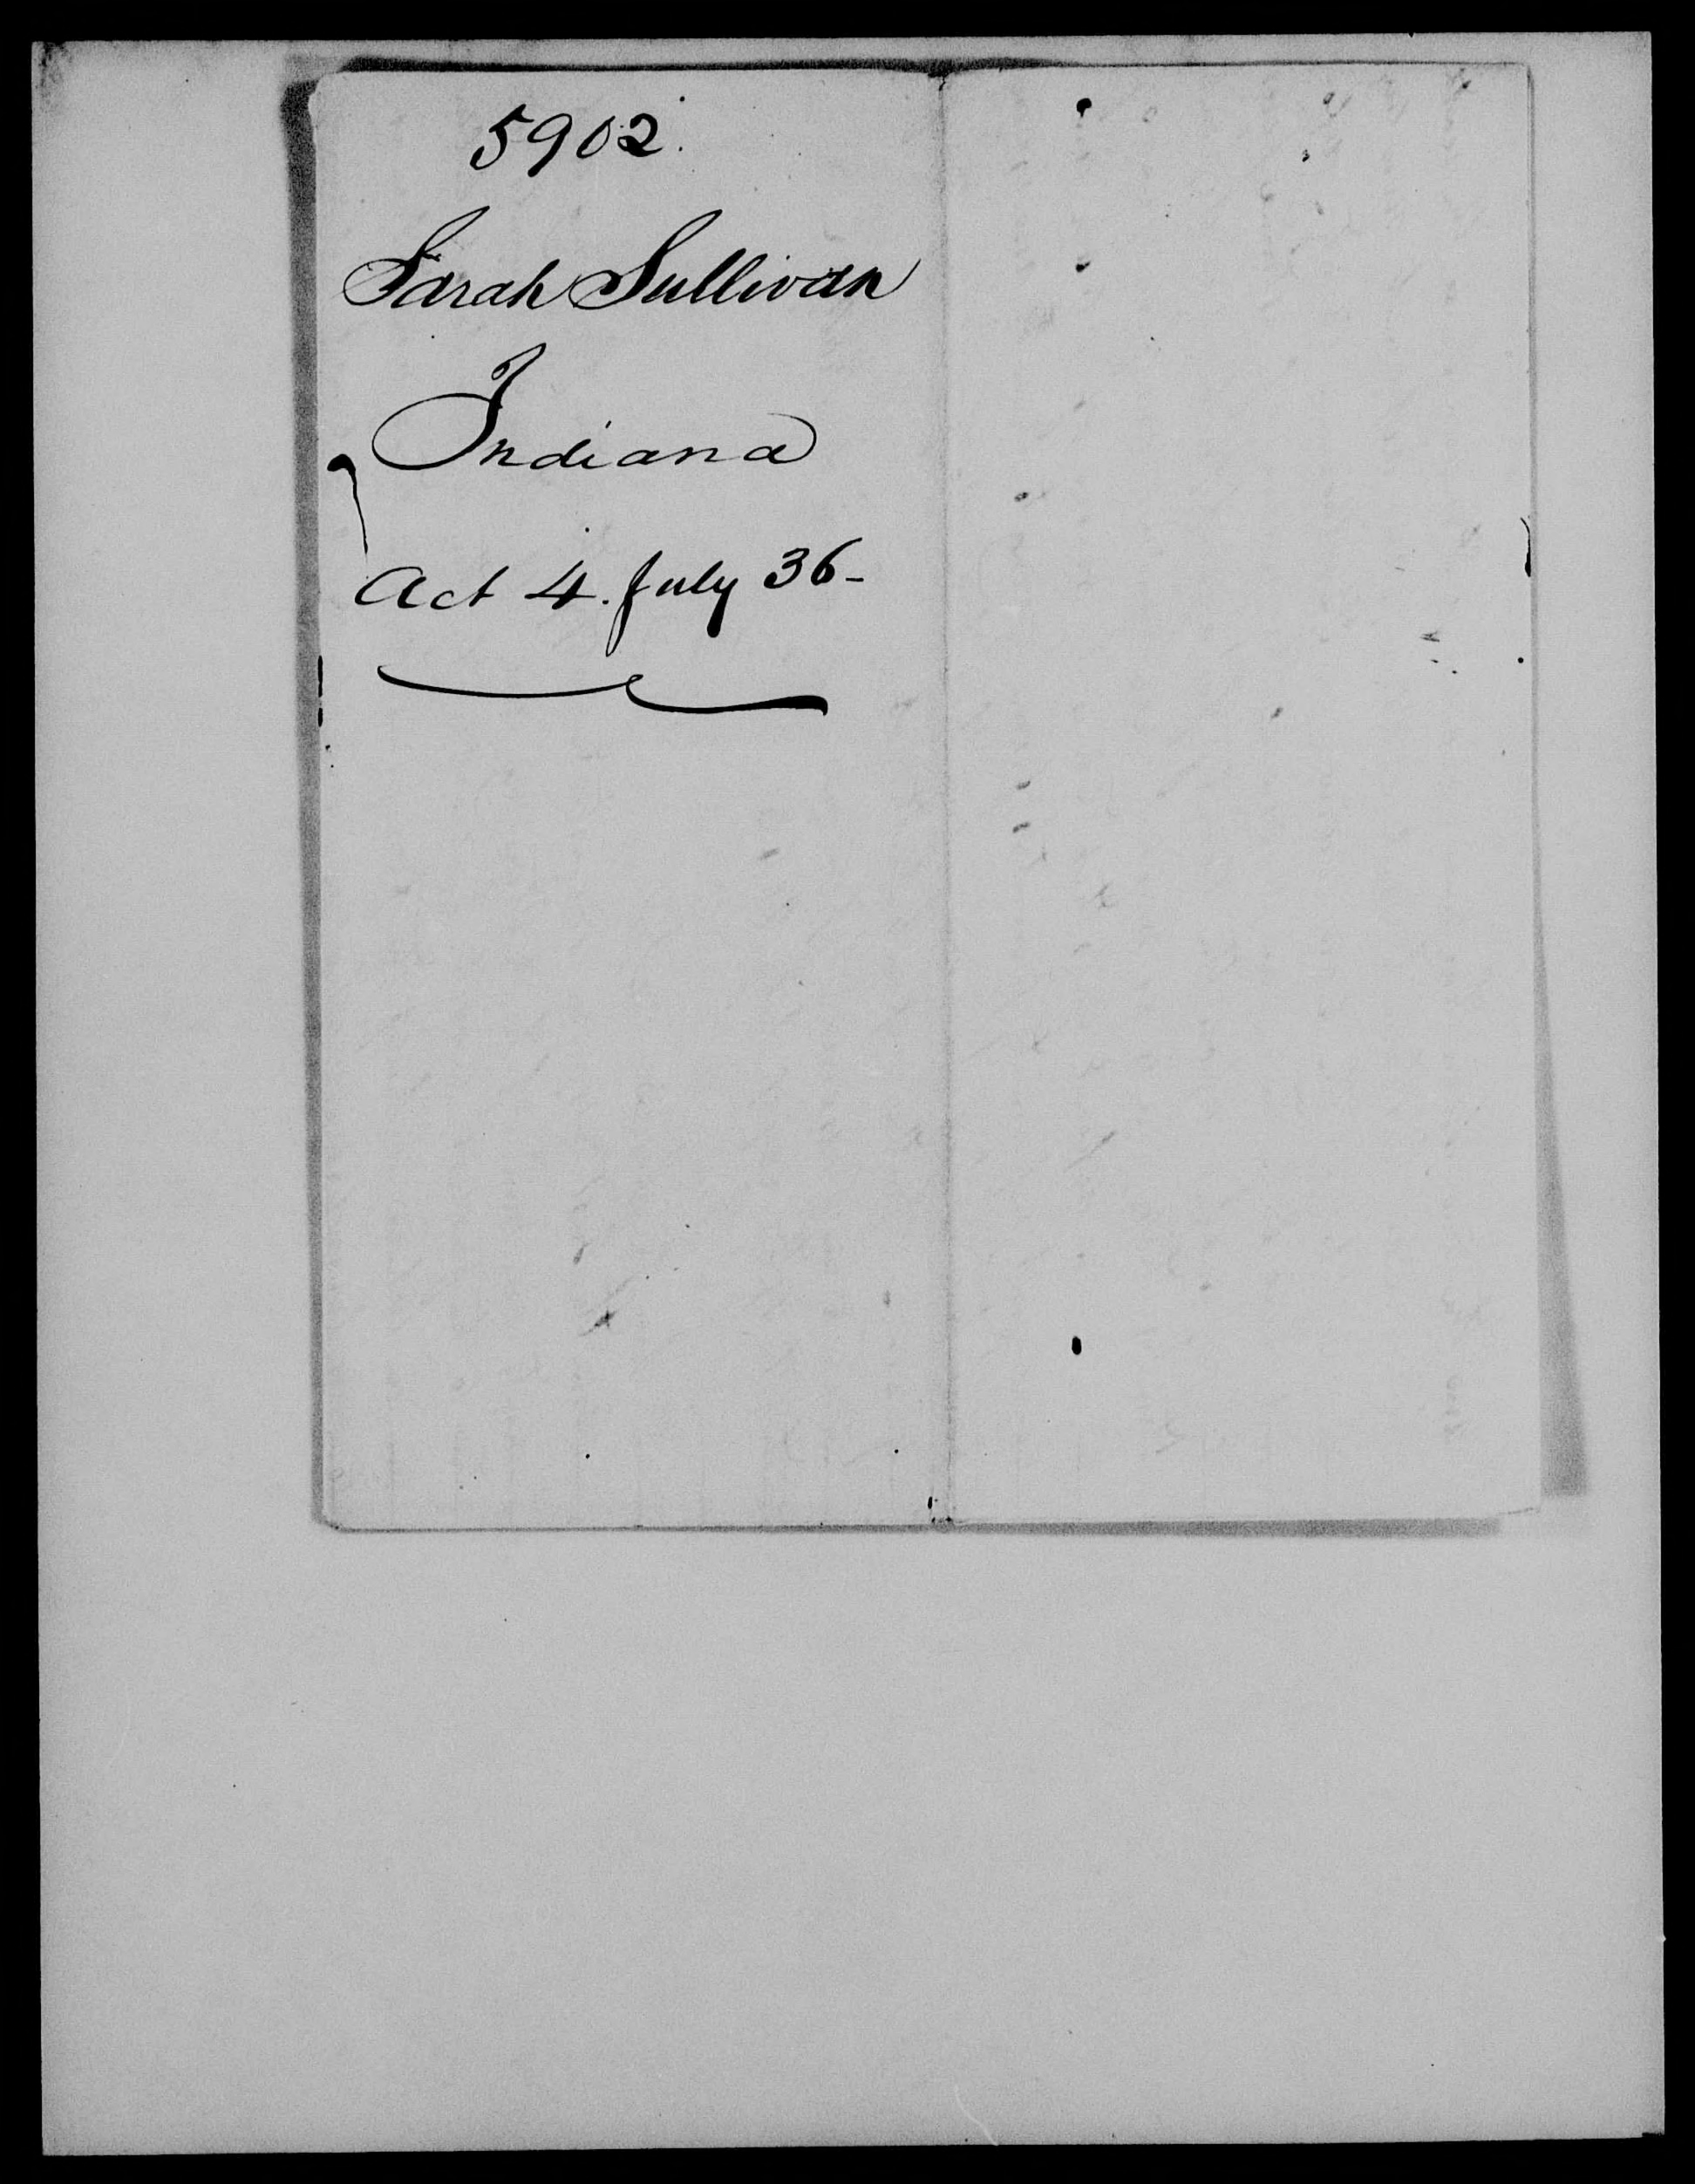5902
Sarah Sullivan
Indiana
Act 4. July 36-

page: 24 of 78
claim: widow's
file: W. 25,169, for Daniel Sullivan, Maryland